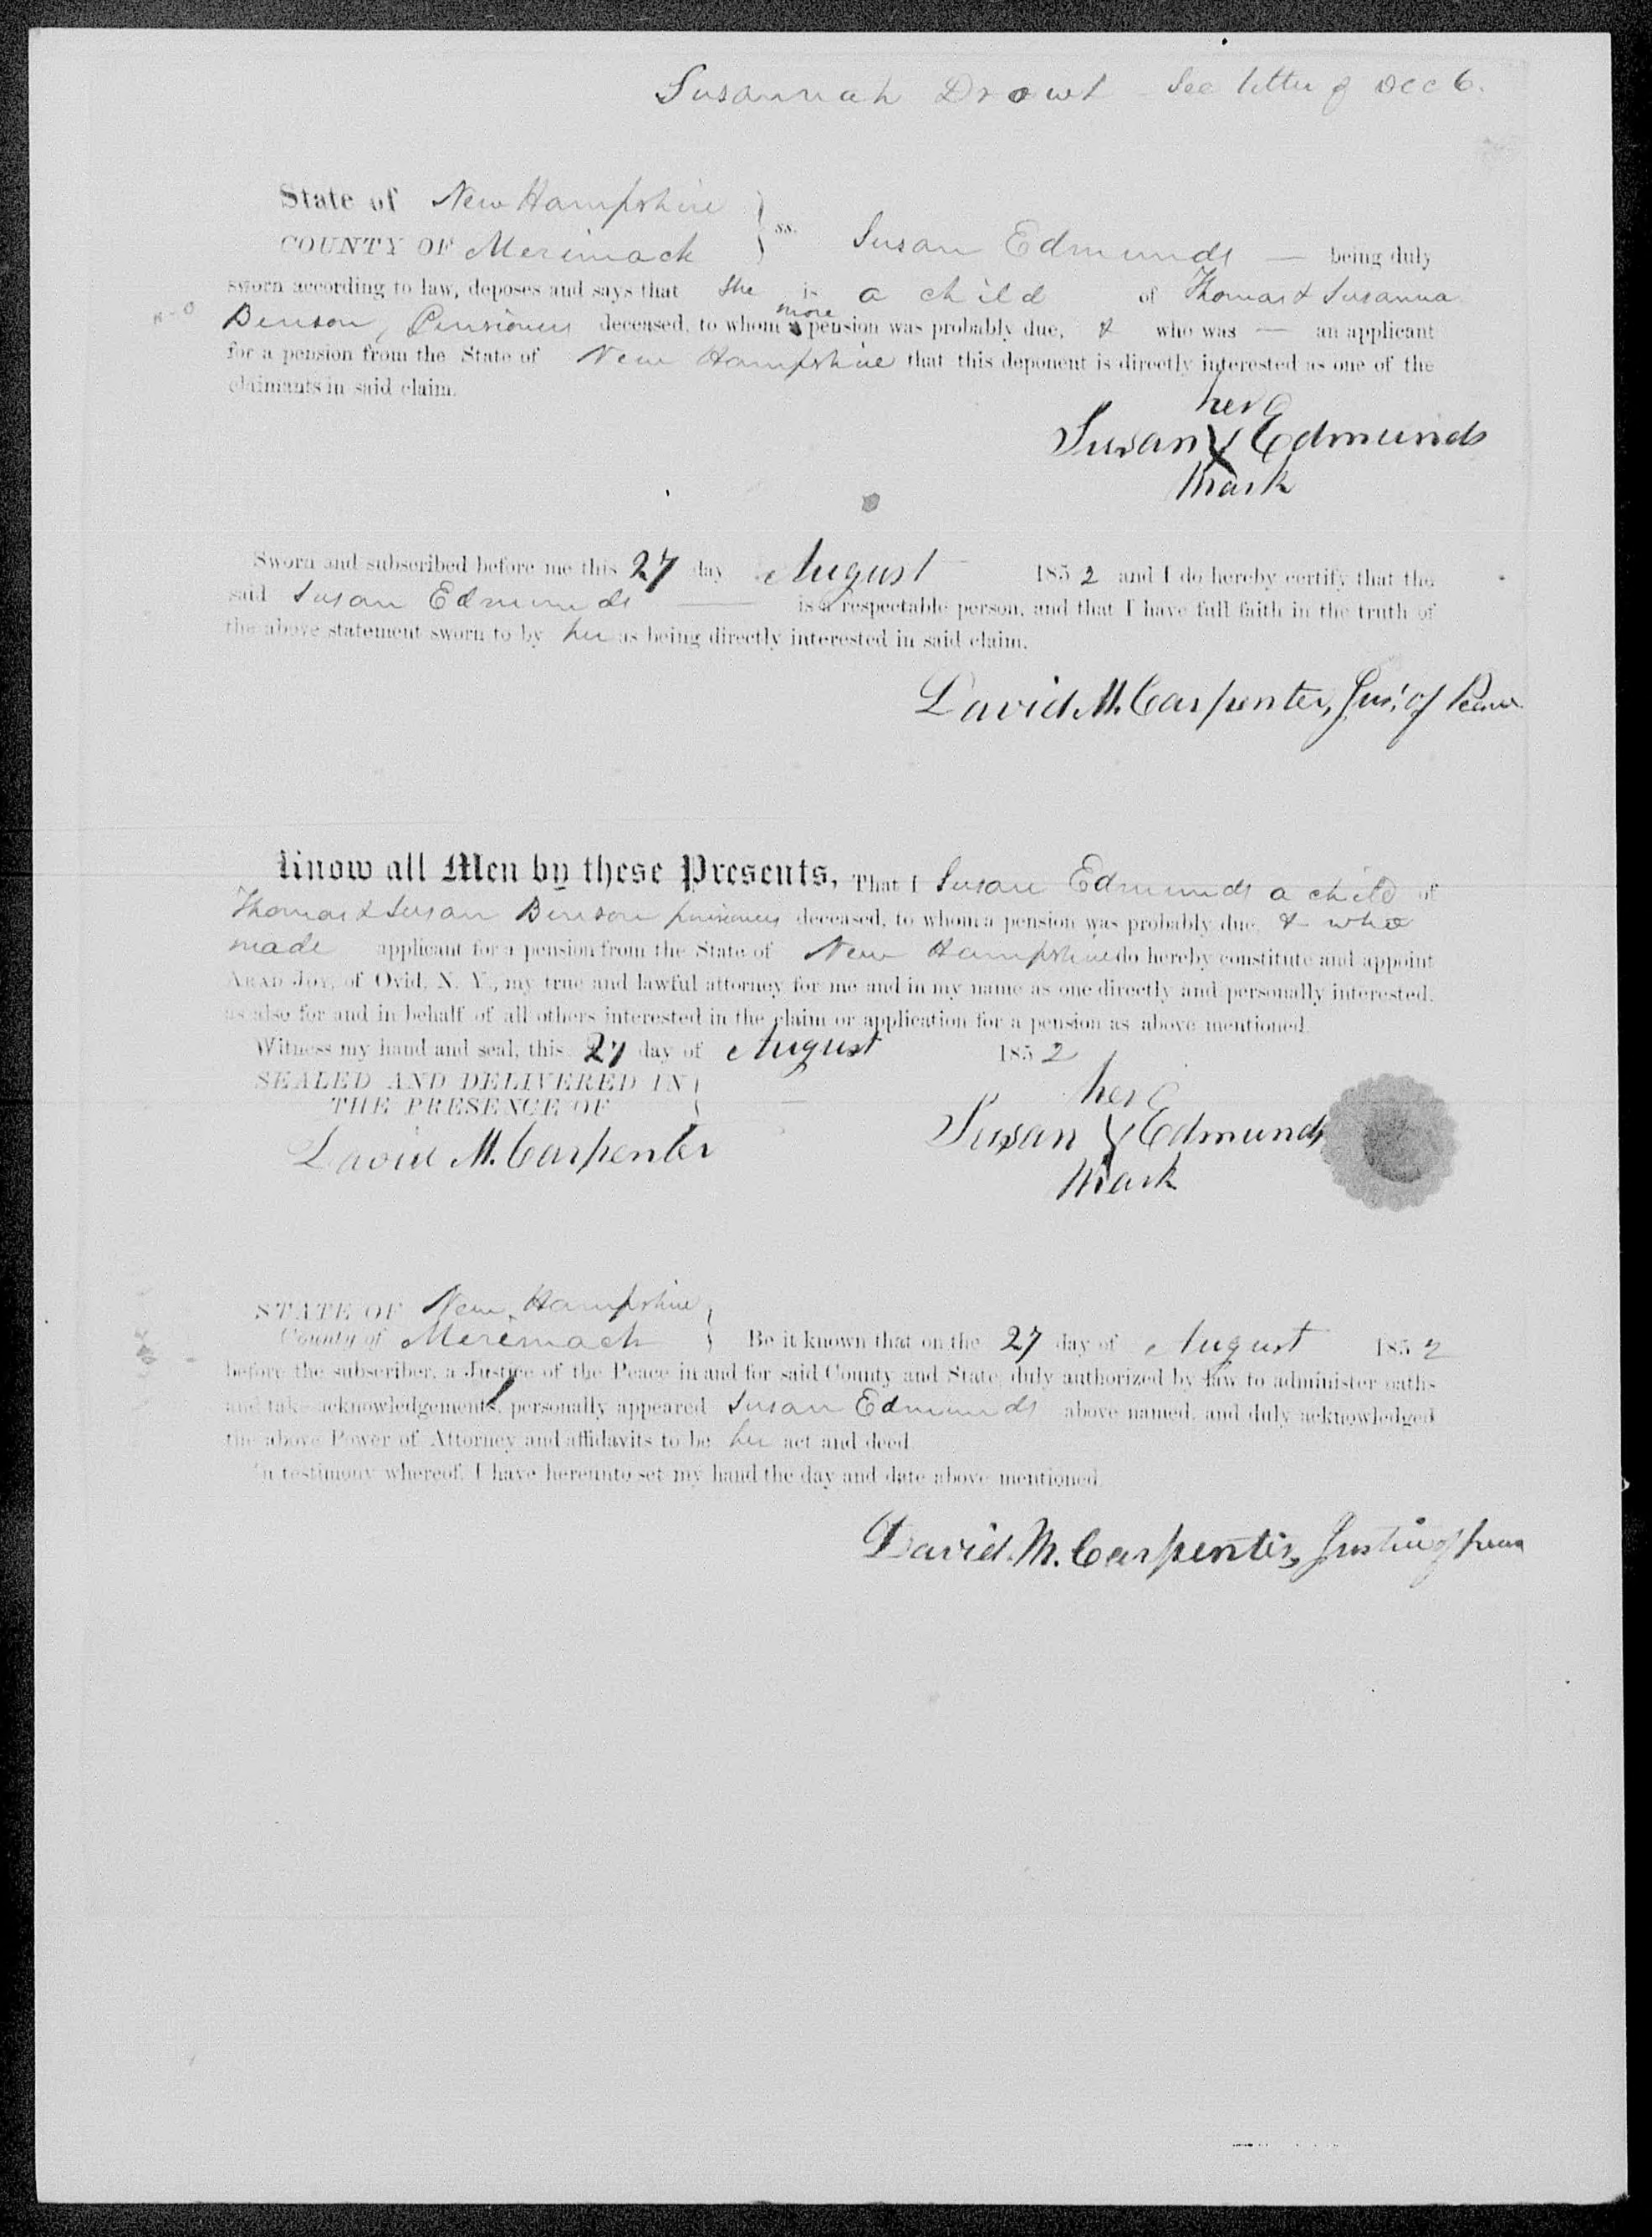Susanna Drowl See letter of Dec. 6.
State of New Hampshire
COUNTY OF Mer(r)imack}ss. Susan Edmunds being duly sworn according to law, deposes and says that she is a child of Thomas & Susanna Benson, Pensioners deceased, to whom more pension was probably due, & who was an applicant for a pension from the State of New Hampshire that this deponent is directly interested as one of the claimants in said claim. 
/s/X her mark Susan Edmunds
Sworn and subscribed  before  me this 27 day August 1852 and I do hereby certify that the said Susan Edmunds is a respectable person, and that I  have full faith in the truth of the above statement sworn to by her as being directly interested in said claim.
/s/David M. Carpenter Jus. of Peace
Know all Men by these Presents, That I Susan Edmunds a child of Thomas & Susan Benson pensioners deceased, to whom a pension was probably due & who made applicant for a pension from the State of New Hampshire do hereby constitute and appoint ARAD JOY, of Ovid, N.Y., my true and lawful attorney for me and in my name as one directly and personally interested, as also for and in behalf of all others interested in the claim or application for a pension as above mentioned.
/s/X her mark Susan Edmunds
[seal affixed] Witness my hand and seal, this 27 day of August 1852
SEALED AND DELIVERED IN THE PRESENCE OF} David M. Carpenter
STATE OF New Hampshire
County of Mer(r)imack} Be it known that on the 27 day of August 1852 before the subscriber, a Justice of the Peace in and for said County and State duly authorized by law to administer oaths and take acknowledgements, personally appeared Susan Edmunds above named, and duly acknowledged the above Power of Attorney and affidavits to be her act and deed. 
In testimony whereof, I have hereunto set my hand the day and date above mentioned.
/s/David M. Carpenter, Justice of peace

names: Susan Edmunds, David M Carpenter, Thomas Benson, Thomas Benson, Susannah Drowt, David M Carpenter, Susan Edmunds, David M Carpenter, Susanna Benson, Susan Benson, Susan Edmunds, Susan Edmunds, Susan Edmunds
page: 2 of 2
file: R, Thomas Benson, N.H. Residence